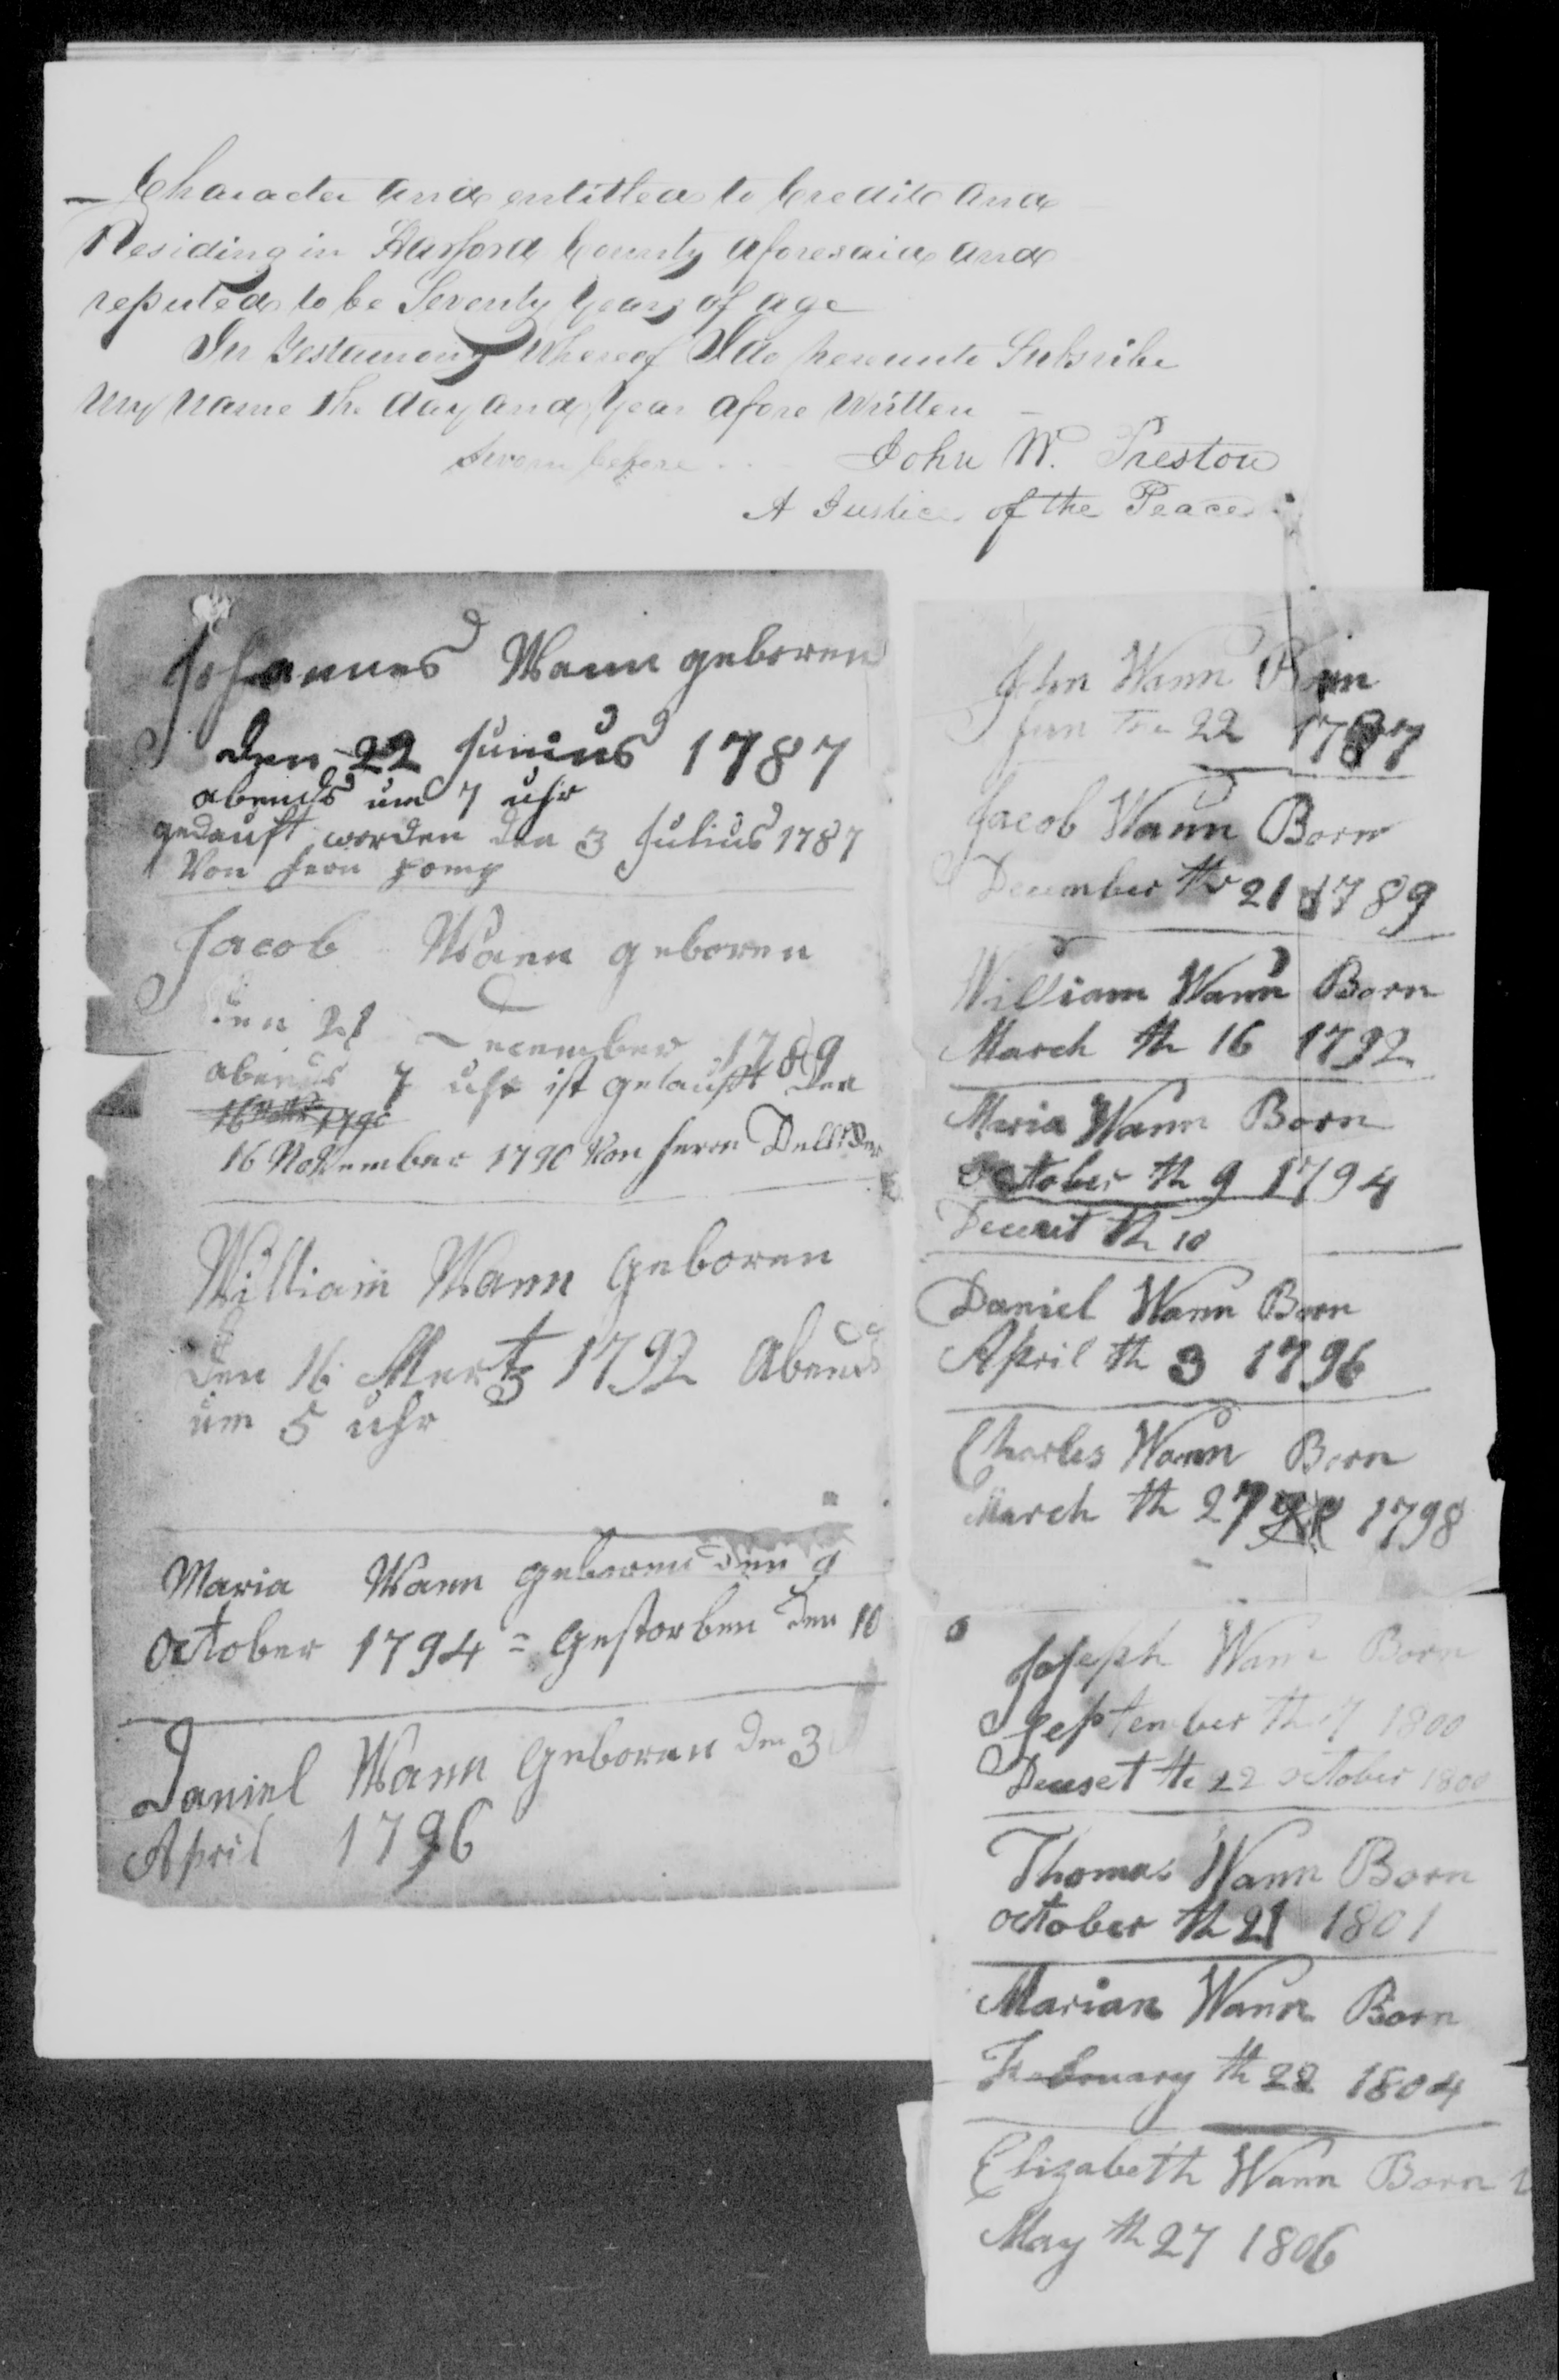Character and entitled to Credit and Residing in Harford County aforesaid and reputed to be Seventy years of age
In Testament whereof I do hereunto Subscribe my name the day and year afore written 
Sworn before   John W. Preston
A Justice of the Peace 

Johannes Wann gnbourn Inn 22 juin 1787
[illegible: German] 3 Julius 1787
[illegible: German] 

Jacob Wann gnbourn inn 21 [illegible: German] 1789 [illegible: German] 16 November 1790 [illegible: German]

William Wann gnbourne Inn 16 Martz 1792 [illegible: German] 

Maria Wann gnbourne  inn 9 October 1794 [illegible: German] 

Daniel Wan Gnbourn inn 3 April 1796

John Wann Born Jun the 22 1787

Jacob Wann Born December the 21 1789

William Wann Born March the 16 1792

Maria Wann Born October th [the] 9 1794
[illegible] th [the] 10

Daniel Warm Born April the 3 1796

Charles Wann Born March th [the] 27 1798

Joseph Wann Born September the 7 1800
Deceset [deceased] the 22 october 1800

Thomas Wann Born October the 21 1801

Marian Wann Born February th [the] 22 1804

Elizabeth Wann Born May th [the] 27 1806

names: John Wann, Maria Wann, Maria Wann, Joseph Wann, William Wann, William Wann, Daniel Wann, Jacob Wann, Elizabeth Wann, Javis Tomy, Marian Wann, Thomas Wann, Daniel Wann, John W Preston, Johannes Wann, Jacob Wann, Charles Wann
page: 8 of 38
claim: widow's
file: W. 3899, John Wann, Penn.